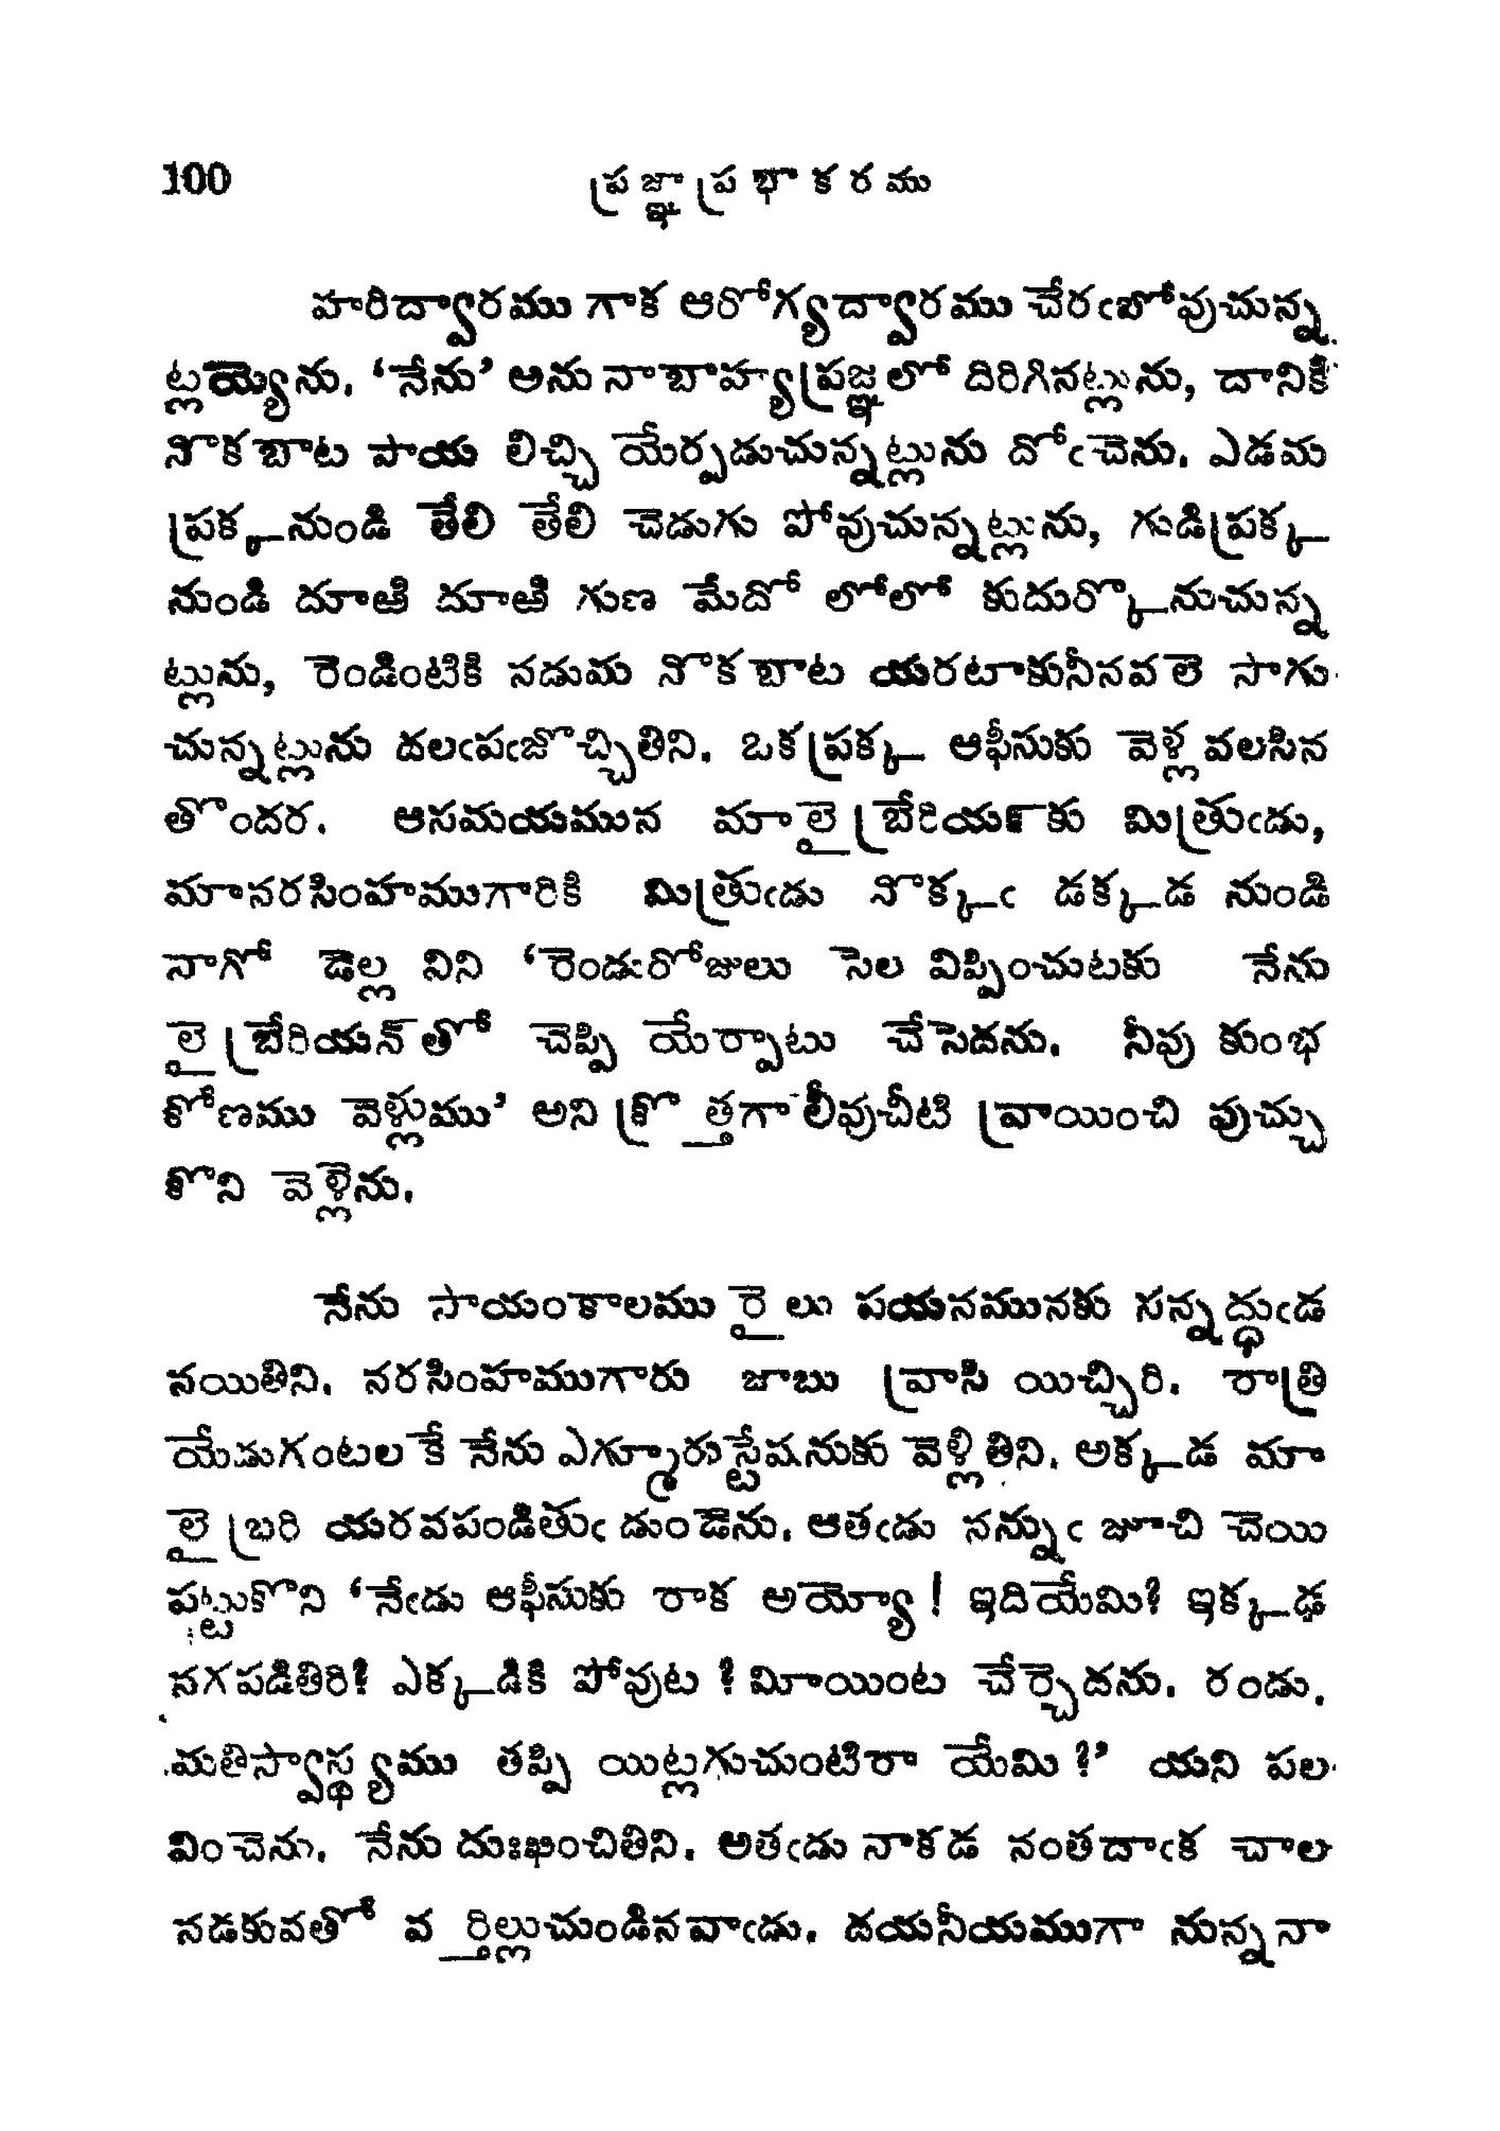హరిద్వారము గాక ఆరోగ్యద్వారము చేరఁ బోవుచున్నట్లయ్యెను.'నేను'అను నా బాహ్యప్రజ్ఞ లోదిరిగి నట్లును,దానికి బాట పాయ లిచ్చి యేర్పడుచున్నట్లున్న దోఁచెను.ఎడమ ప్రక్క నుండి తేలి తేలి చెడుగు పోవుచున్నట్లును, గుడి ప్రక్క నుండి దూఱి దూఱి నడుమ నొక బాట యర టాకు నీనవలె సాగుచున్నట్లును దలఁపఁ జొచ్చితిని. ఒక ప్రక్క ఆఫీసుకు వెళ్ళ వలసిన తొందర. ఆ సమయమున మా లైబ్రరియన్‌ కు మిత్రుఁడు, మా నరసింహము గారికి మిత్రుఁడు నొక్కఁ డక్కడ నుండి నా గోడెల్ల విని 'రెండు రోజులు సెల విప్పించుటకు నేను లైబ్రేరియన్తో చెప్పి యేర్పాటు చేసెదను. నీవు కుంభకోణము వెళ్ళుము'అని క్రొత్తగా లీవు చీటి వ్రాయించి పుచ్చుకొని వెళ్ళెను.

నేను సాయంకాలము రైలు పయనమునకు సన్నద్దుఁడ నయితిని. నరసింహము గారు జాబు వ్రాసి యిచ్చిరి. రాత్రి యేడుగంటలకే నేను ఎగ్మూరు స్టేషనుకు వెళ్ళితిని. అక్కడ మా లైబ్రరి యరవపండితుఁ డుండెను. ఆతఁ డు నన్నుఁ జూచి చెయి పట్టుకొని 'నేఁడు ఆఫీసుకు రాక అయ్యో!ఇది యేమి? ఇక్కడ నగపడితిని?ఎక్కడికి పోవుట? మీ యింట చేర్చెదను. రండు. మతి స్వాస్ధ్యము తప్పి యిట్లగుచుంటిరా యేమి?యని పలవించెను.నేను దుఃఖించితిని. నా కడ నంత దాఁక చాల నడుకువతో వర్తిల్లుచిండిన వాఁ డు. దయనీయముగా నున్న నా